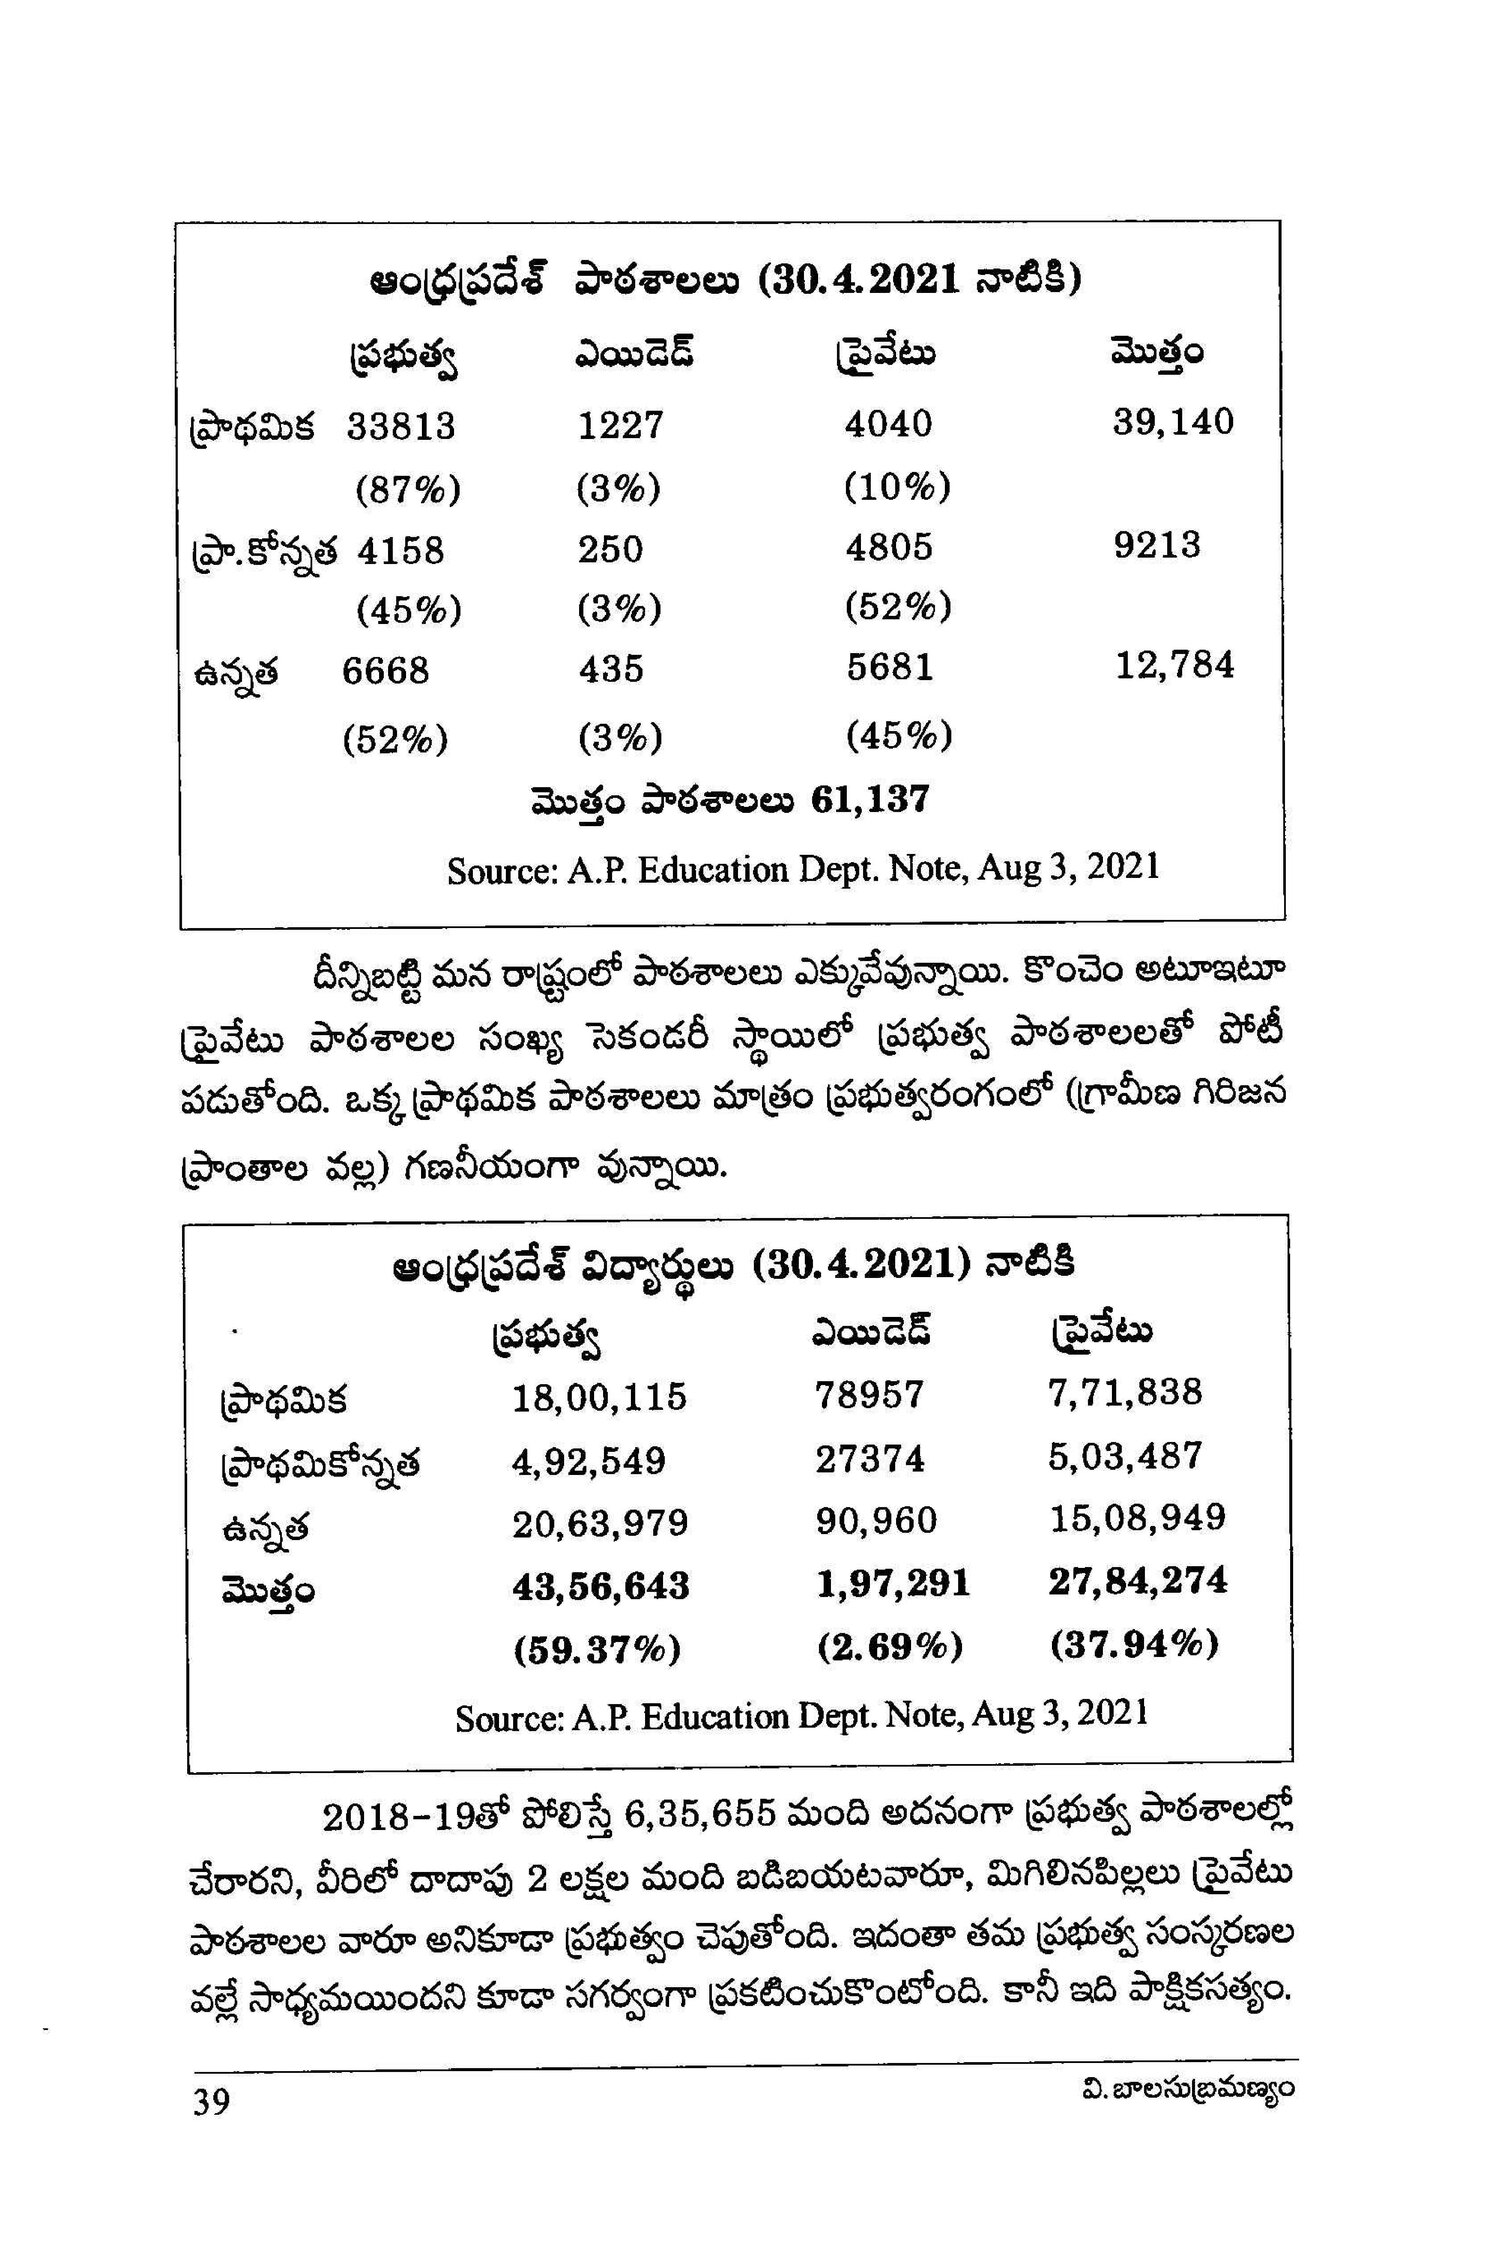ఆంధ్రప్రదేశ్‌లో పాఠశాలలు (30.4.2021 నాటికి)
స్థాయి	ప్రభుత్వ	ఎయిడెడ్	ప్రైవేటు	మొత్తం
ప్రాథమిక	33,813 (87%)	1,227 (3%)	4,040 (10%)	39,140
ప్రాథమికోన్నత	4,158 (45%)	250 (3%)	4,805 (52%)	9,213
ఉన్నత	6,668 (52%)	435 (3%)	5,681 (45%)	12,784
మొత్తం పాఠశాలలు	—	—	—	61,137

Source: A.P. Education Dept. Note, Aug 3, 2021

ఈ గణాంకాల ప్రకారం మన రాష్ట్రంలో ఎక్కువగా ప్రభుత్వ పాఠశాలలే ఉన్నాయి. కొంత మేరకు ప్రైవేటు పాఠశాలలు సెకండరీ స్థాయిలో ప్రభుత్వ పాఠశాలలతో పోటీ పడుతున్నాయి. అయితే, ప్రత్యేకంగా ప్రాథమిక పాఠశాలలు మాత్రం ప్రభుత్వ రంగంలో (గ్రామీణ మరియు గిరిజన ప్రాంతాల ప్రభావం వల్ల) గణనీయంగా అధికంగా ఉన్నాయి.

ఆంధ్రప్రదేశ్ విద్యార్థులు (30.4.2021 నాటికి)
స్థాయి	ప్రభుత్వ	ఎయిడెడ్	ప్రైవేటు
ప్రాథమిక	18,00,115	78,957	7,71,838
ప్రాథమికోన్నత	4,92,549	27,374	5,03,487
ఉన్నత	20,63,979	90,960	15,08,949
మొత్తం విద్యార్థులు	43,56,643 (59.37%)	1,97,291 (2.69%)	27,84,274 (37.94%)

Source: A.P. Education Dept. Note, Aug 3, 2021

2018–19తో పోలిస్తే 6,35,655 మంది విద్యార్థులు అదనంగా ప్రభుత్వ పాఠశాలల్లో చేరారు. వీరిలో దాదాపు 2 లక్షల మంది బడిబయటవారు, మిగిలిన వారు ప్రైవేటు పాఠశాలల నుంచి ప్రభుత్వం వైపు మారిన విద్యార్థులేనని రాష్ట్ర ప్రభుత్వం పేర్కొంది.

ఇది తమ ప్రభుత్వం తీసుకొచ్చిన సంస్కరణల ఫలితమేనని సగర్వంగా ప్రకటించుకుంటోంది. అయితే, ఇది పూర్తిసత్యం కాదని చెప్పాలి — ఇది పాక్షిక సత్యమే.